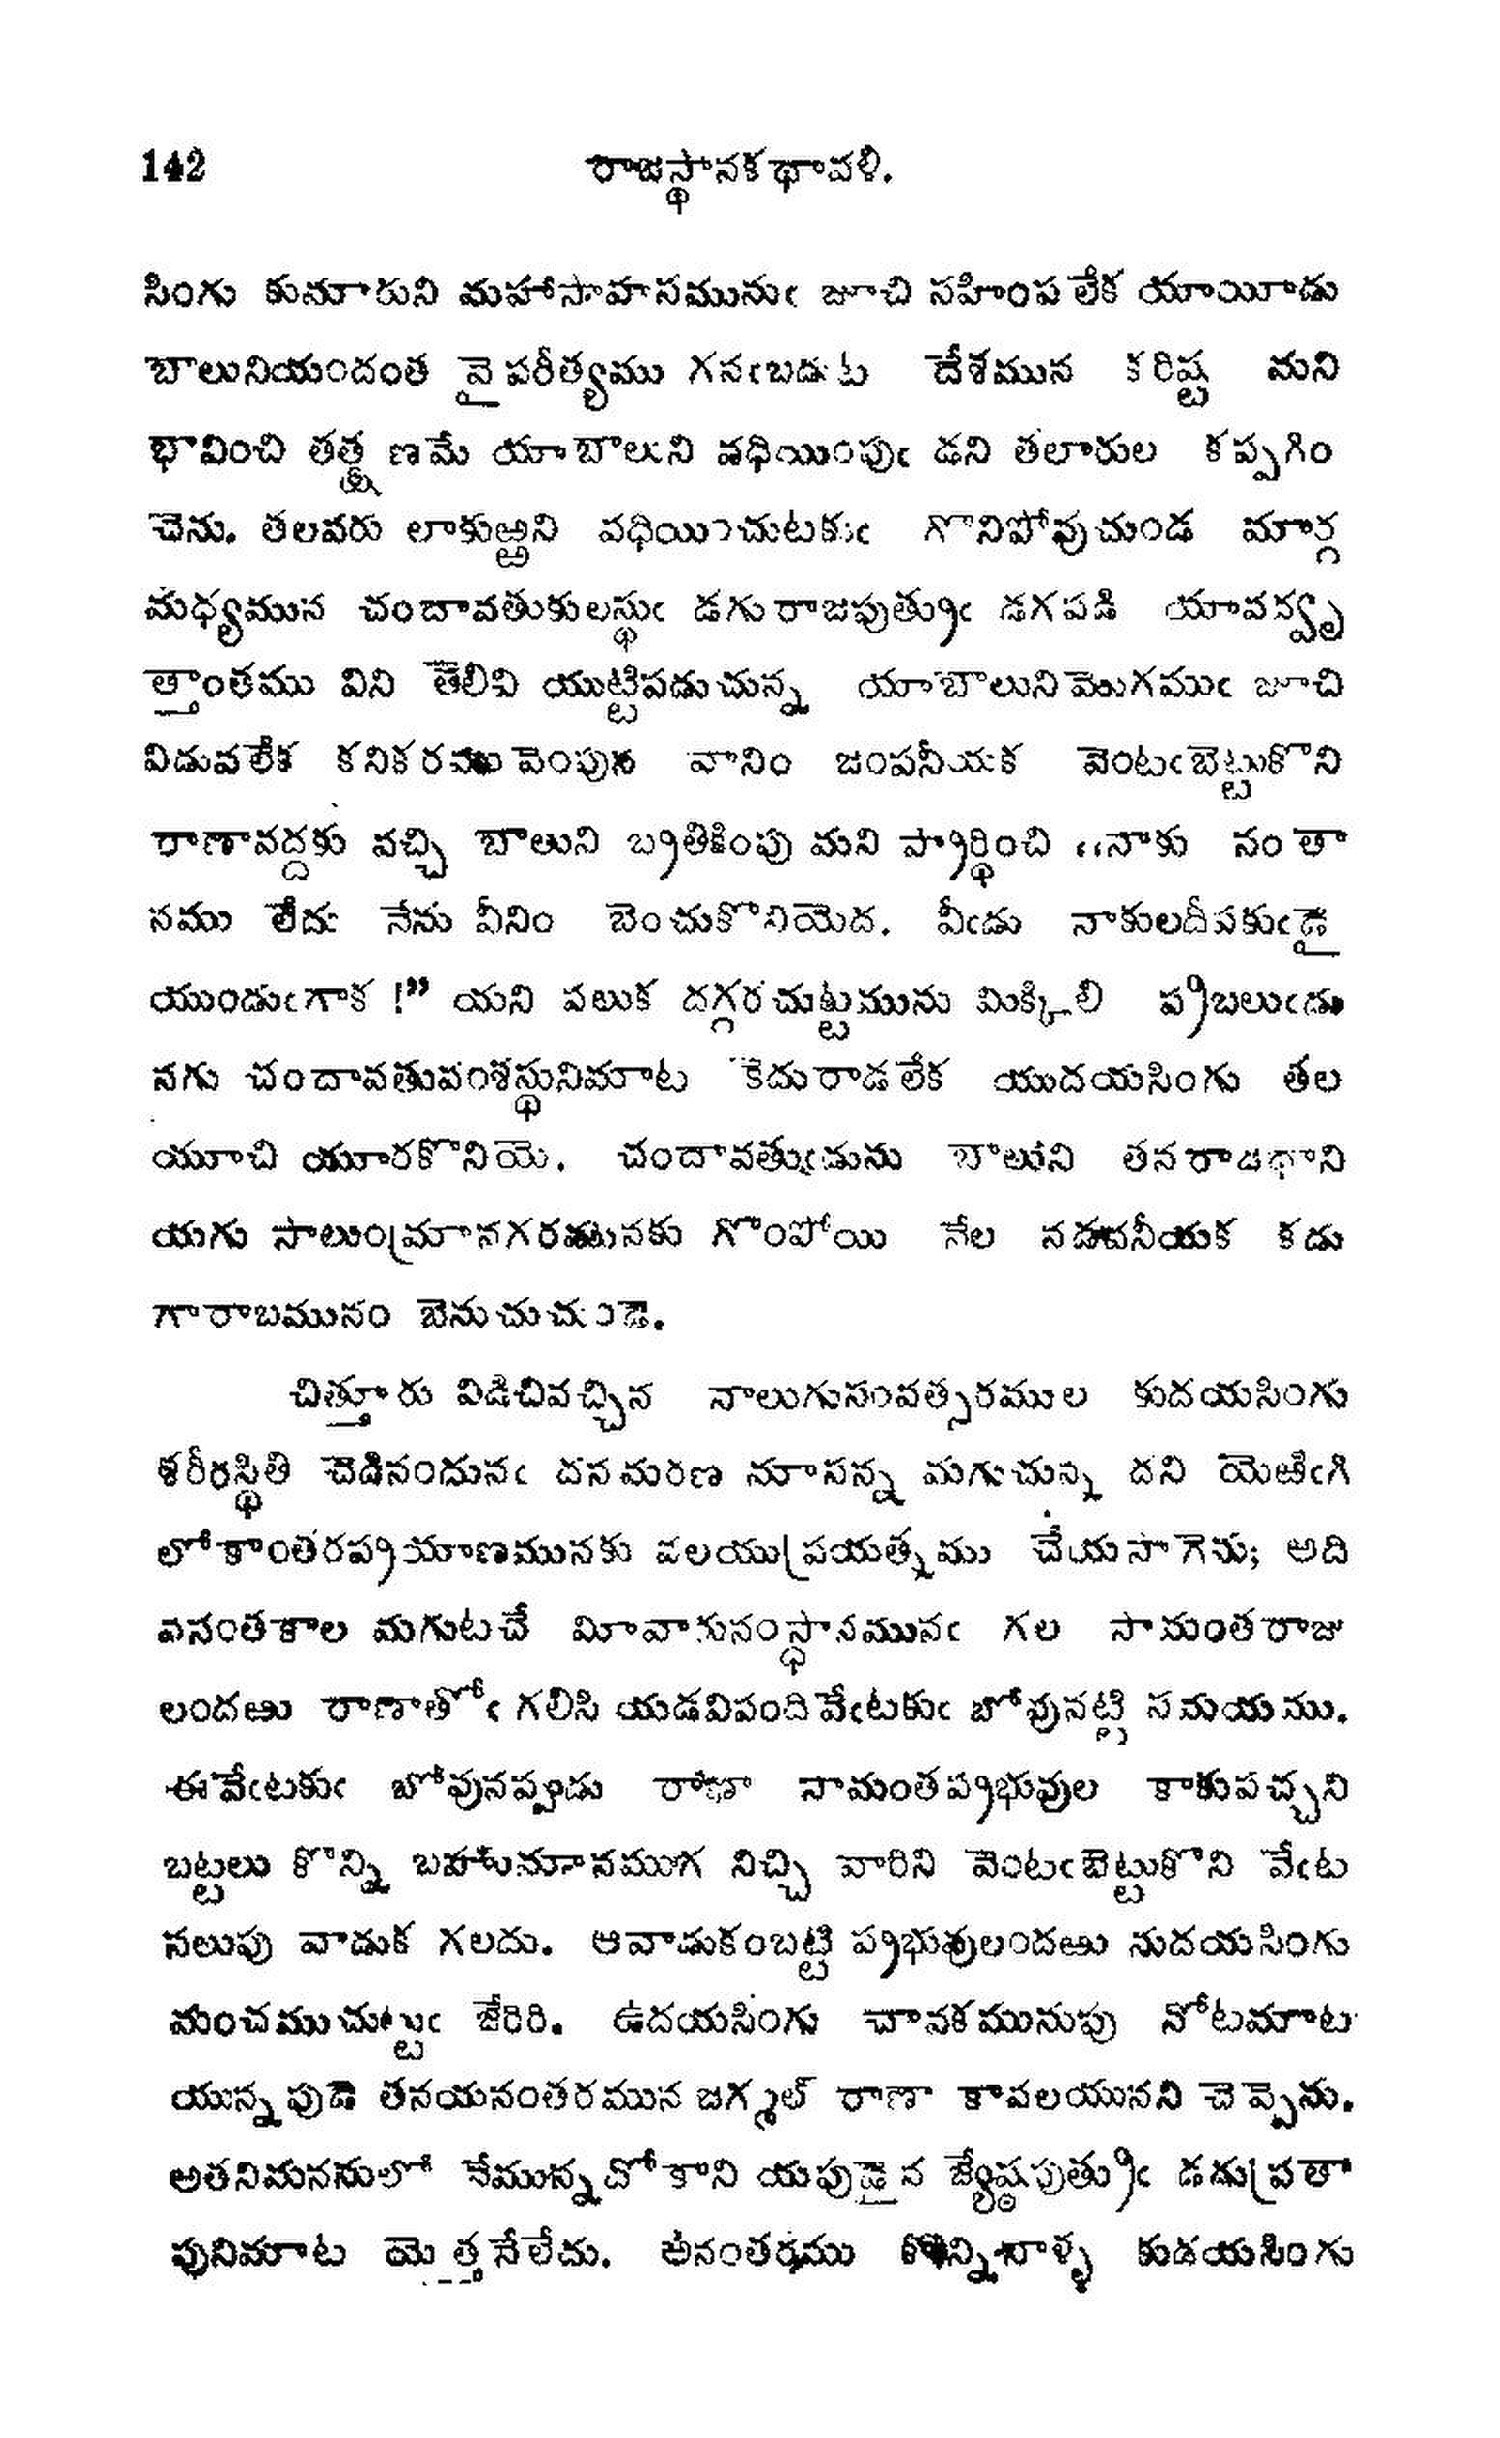సింగు కుమారుని మహాసాహసమునుఁ జూచి సహింపలేక యాయీడు బాలునియందంత వైపరీత్యము గనఁబడుట దేశమున కరిష్ట మని
భావించి తక్షణమే యా బాలుని వధియింపుఁ డని తలారుల కప్పగించెను. తలవరు లాకుఱ్ఱని వధియిచుటకుఁ గొనిపోవుచుండ మార్గ
మధ్యమున చందావతుకులస్థుఁ డగు రాజపుత్రుం డగపడి యావద్వ్రత్తాంతము వినీ తెలివి యుట్టిపడుచున్న యాబాలుని మొగముఁ జూచి
విడువలేక కనికరము పెంపున వానిం జంపనీయక వెంటఁ బెట్టుకొని రాణావద్దకు వచ్చి బాలుని బ్రతికింపు మని ప్రార్థించి "నాకు సంతా
నము లేదు. నేను వీనిం బెంచుకొనియెద. వీడు నాకులదీపకుఁడై యుండుఁగాక !" యని పలుక దగ్గర చుట్టమును మిక్కిలి ప్రబలుఁడు
నగు చందావతువంశస్థునిమాట 'కెదురాడ లేక యుదయసింగు తల యూచి యూరకొనియె. చందావతుఁడును బాలుని తన రాజధాని
యగు సాలుంమ్రానగరమునకు గొంపోయి నేల నడవనీయక కడు గారాబమునం బెనుచుచుండె.

చిత్తూరు విడిచివచ్చిన నాలుగు సంవత్సరముల కుదయసింగు శరీరస్థితి చెడినందునఁ దన మరణ మాసన్న మగుచున్న దని యెఱిఁగి
లోకాంతరప్రయాణమునకు వలయు ప్రయత్నము చేయసాగెను; అది వసంతకాల మగుటచే మీవారు సంస్థానమునఁ గల సామంత రాజు
లందఱు రాణాతోఁ గలిసి యడవిపంది వేఁటకుఁ బోవునట్టి సమయము. ఈ వేఁటకుఁ బోవునప్పుడు రాణా సామంత ప్రభువుల కాకుపచ్చని
బట్టలు కొన్ని బహుమానముగ నిచ్చి వారిని వెంటఁ బెట్టుకొని వేఁట సలుపు వాడుక గలదు. ఆవాడుకంబట్టి ప్రభువులందఱు నుదయ సింగు
మంచము చుట్టుఁ జేరిరి. ఉదయసింగు చావక మునుపు నోటమాట యున్నపుడె తనయనంతరమున జగ్మల్ రాణా కావలయునని చెప్పెను.
అతనిమనసులో నేమున్నదో కాని యపుడైన జ్యేష్ఠపుత్రుఁడగు ప్రతాపునిమాట యెత్తనే లేదు. అనంతరము కొన్ని నాళ్ళ కుదయసింగు